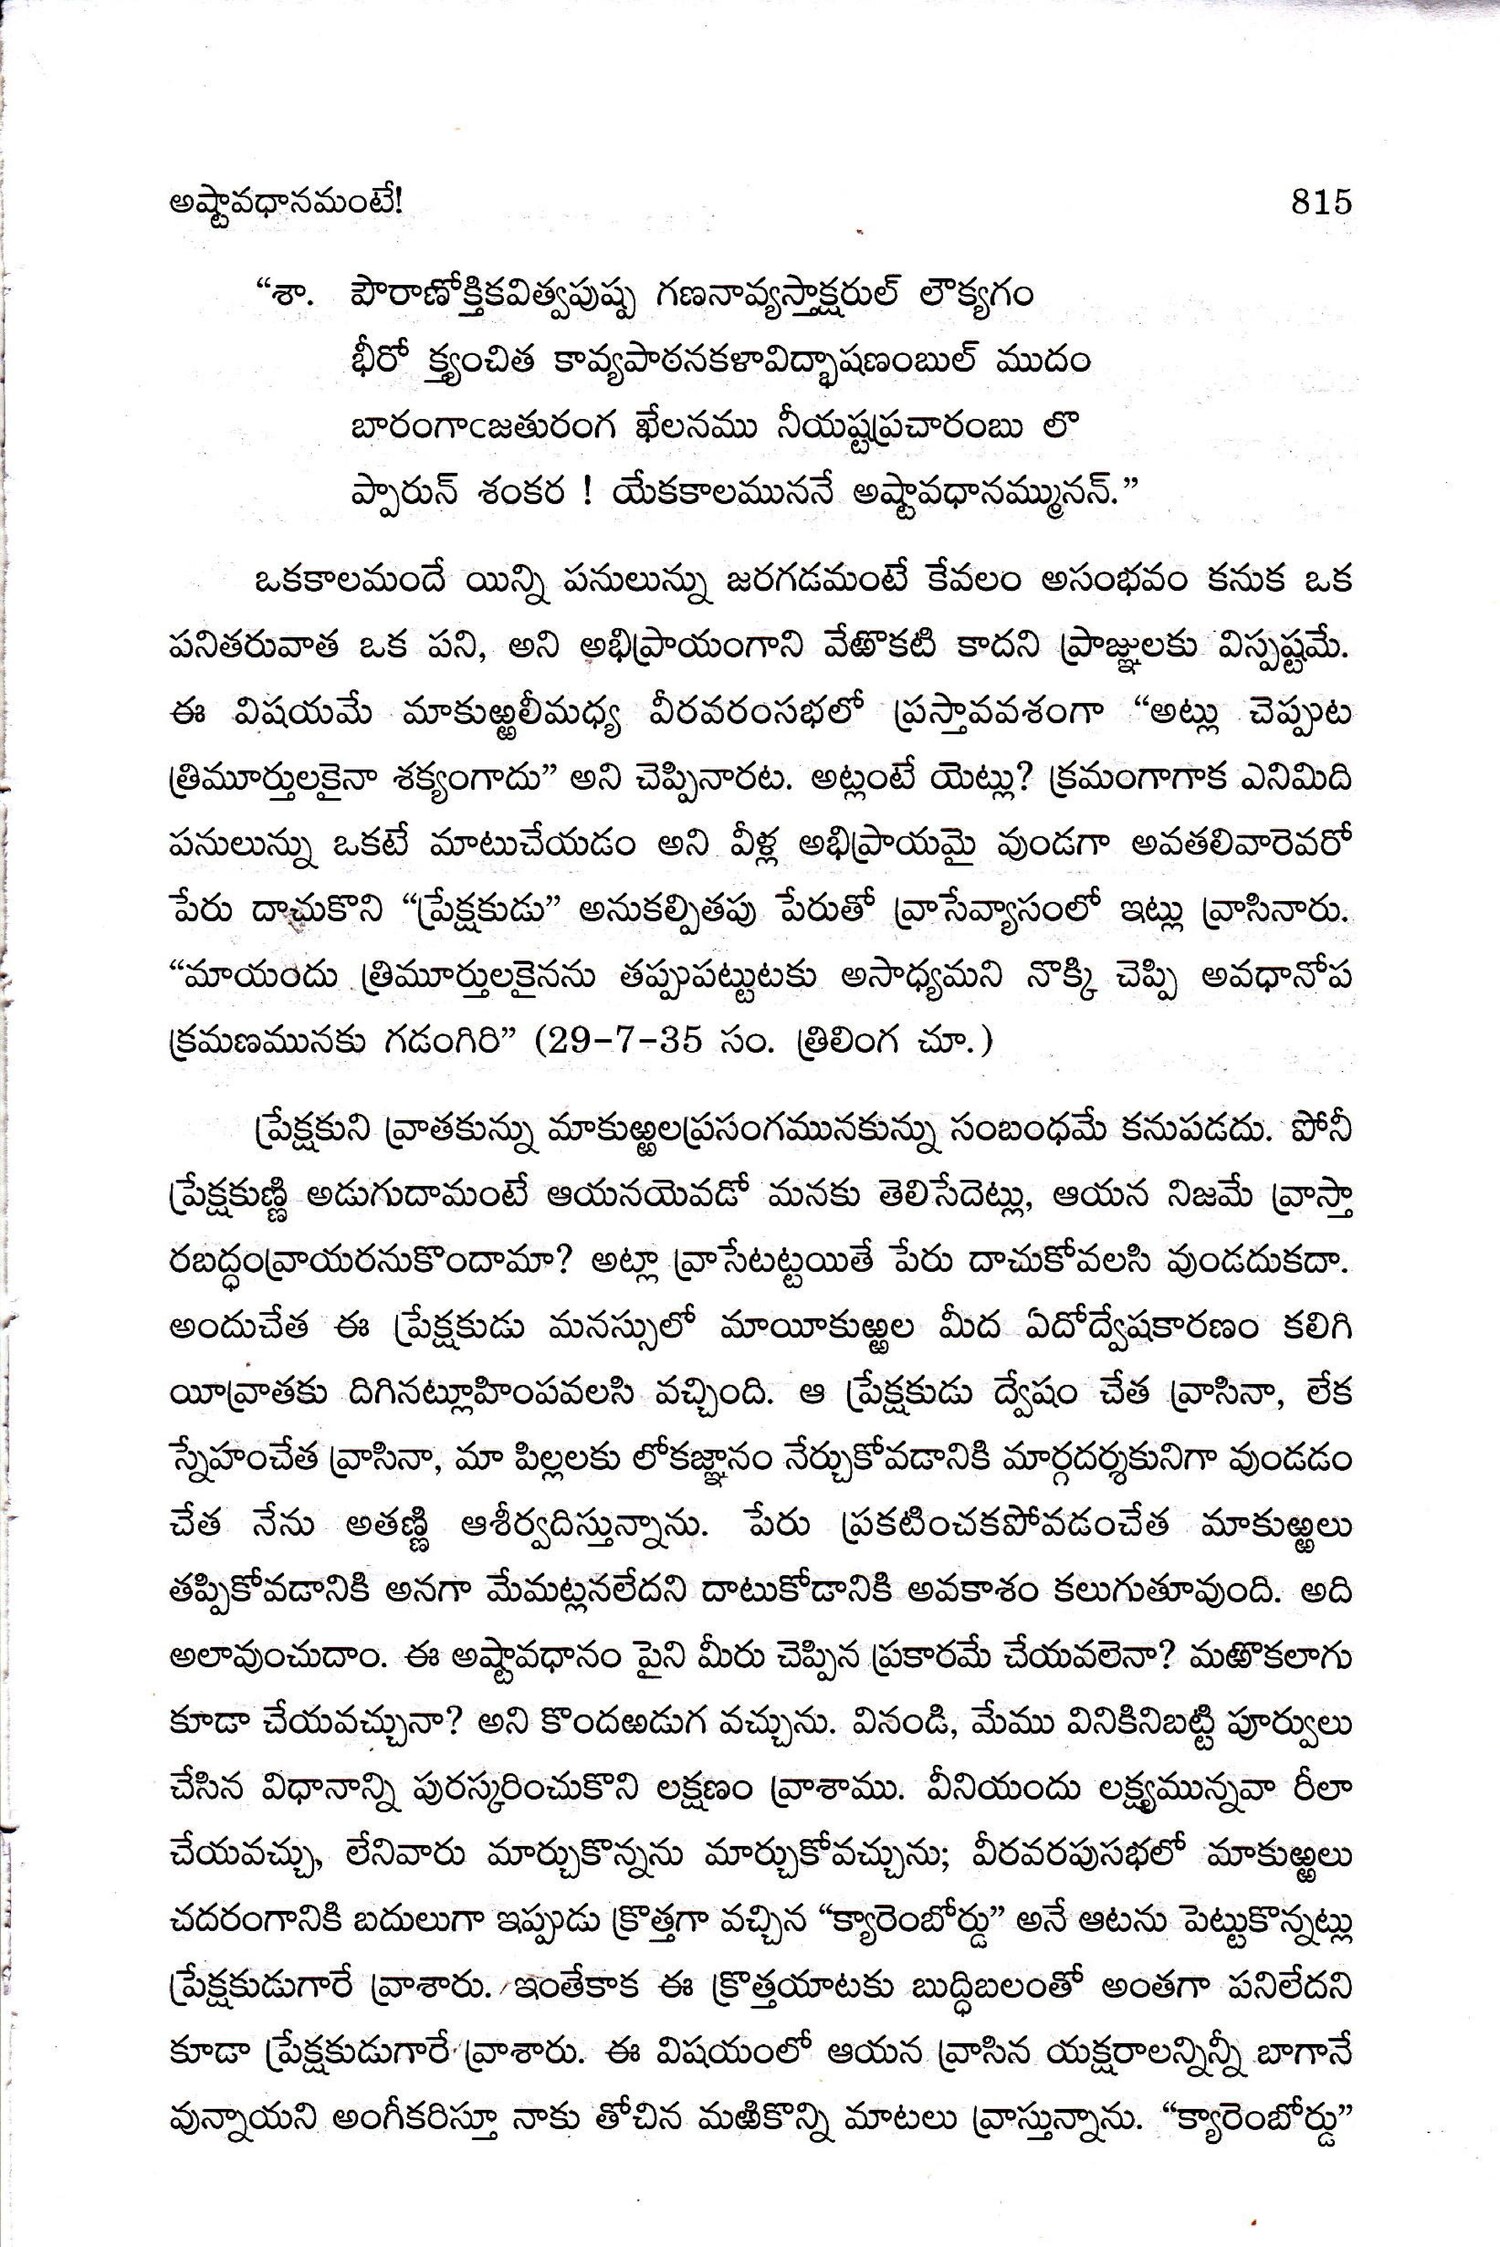“శా. పౌరాణోక్తికవిత్వపుష్ప గణనావ్యస్తాక్షరుల్ లౌక్యగం
 భీరో క్త్యంచిత కావ్యపాఠనకళావిద్భాషణంబుల్ ముదం 
 బారంగాఁజతురంగ ఖేలనము నీయష్టప్రచారంబు లొ 
 ప్పారున్ శంకర ! యేకకాలముననే అష్టావధానమ్మునన్."
ఒకకాలమందే యిన్ని పనులున్ను జరగడమంటే కేవలం అసంభవం కనుక ఒక పనితరువాత ఒక పని, అని అభిప్రాయంగాని వేఱొకటి కాదని ప్రాజ్ఞులకు విస్పష్టమే. ఈ విషయమే మాకుఱ్ఱలీమధ్య వీరవరంసభలో ప్రస్తావవశంగా "అట్లు చెప్పుట త్రిమూర్తులకైనా శక్యంగాదు" అని చెప్పినారట. అట్లంటే యెట్లు? క్రమంగాగాక ఎనిమిది పనులున్ను ఒకటే మాటుచేయడం అని వీళ్ల అభిప్రాయమై వుండగా అవతలివారెవరో పేరు దాచుకొని “ప్రేక్షకుడు" అనుకల్పితపు పేరుతో వ్రాసేవ్యాసంలో ఇట్లు వ్రాసినారు. "మాయందు త్రిమూర్తులకైనను తప్పుపట్టుటకు అసాధ్యమని నొక్కి చెప్పి అవధానోప క్రమణమునకు గడంగిరి" (29–7-35 సం. త్రిలింగ చూ.)

ప్రేక్షకుని వ్రాతకున్ను మాకుఱ్ఱలప్రసంగమునకున్ను సంబంధమే కనుపడదు. పోనీ ప్రేక్షకుణ్ణి అడుగుదామంటే ఆయనయెవడో మనకు తెలిసేదెట్లు, ఆయన నిజమే వ్రాస్తా రబద్ధంవ్రాయరనుకొందామా? అట్లా వ్రాసేటట్టయితే పేరు దాచుకోవలసి వుండదుకదా. అందుచేత ఈ ప్రేక్షకుడు మనస్సులో మాయికుఱ్ఱల మీద ఏదోద్వేషకారణం కలిగి యీవ్రాతకు దిగినట్లూహింపవలసి వచ్చింది. ఆ ప్రేక్షకుడు ద్వేషం చేత వ్రాసినా, లేక స్నేహంచేత వ్రాసినా, మా పిల్లలకు లోకజ్ఞానం నేర్చుకోవడానికి మార్గదర్శకునిగా వుండడం చేత నేను అతణ్ణి ఆశీర్వదిస్తున్నాను. పేరు ప్రకటించకపోవడంచేత మాకుఱ్ఱలు తప్పికోవడానికి అనగా మేమట్లనలేదని దాటుకోడానికి అవకాశం కలుగుతూవుంది. అది అలావుంచుదాం. ఈ అష్టావధానం పైని మీరు చెప్పిన ప్రకారమే చేయవలెనా? మఱొకలాగు కూడా చేయవచ్చునా? అని కొందఱడుగ వచ్చును. వినండి, మేము వినికినిబట్టి పూర్వులు చేసిన విధానాన్ని పురస్కరించుకొని లక్షణం వ్రాశాము. వీనియందు లక్ష్యమున్నవా రీలా చేయవచ్చు, లేనివారు మార్చుకొన్నను మార్చుకోవచ్చును; వీరవరపుసభలో మాకుఱ్ఱలు చదరంగానికి బదులుగా ఇప్పుడు క్రొత్తగా వచ్చిన "క్యారెంబోర్డు" అనే ఆటను పెట్టుకొన్నట్లు ప్రేక్షకుడుగారే వ్రాశారు. ఇంతేకాక ఈ క్రొత్తయాటకు బుద్ధిబలంతో అంతగా పనిలేదని కూడా ప్రేక్షకుడుగారే వ్రాశారు. ఈ విషయంలో ఆయన వ్రాసిన యక్షరాలన్నిన్నీ బాగానే వున్నాయని అంగీకరిస్తూ నాకు తోచిన మఱికొన్ని మాటలు వ్రాస్తున్నాను. "క్యారెంబోర్డు"